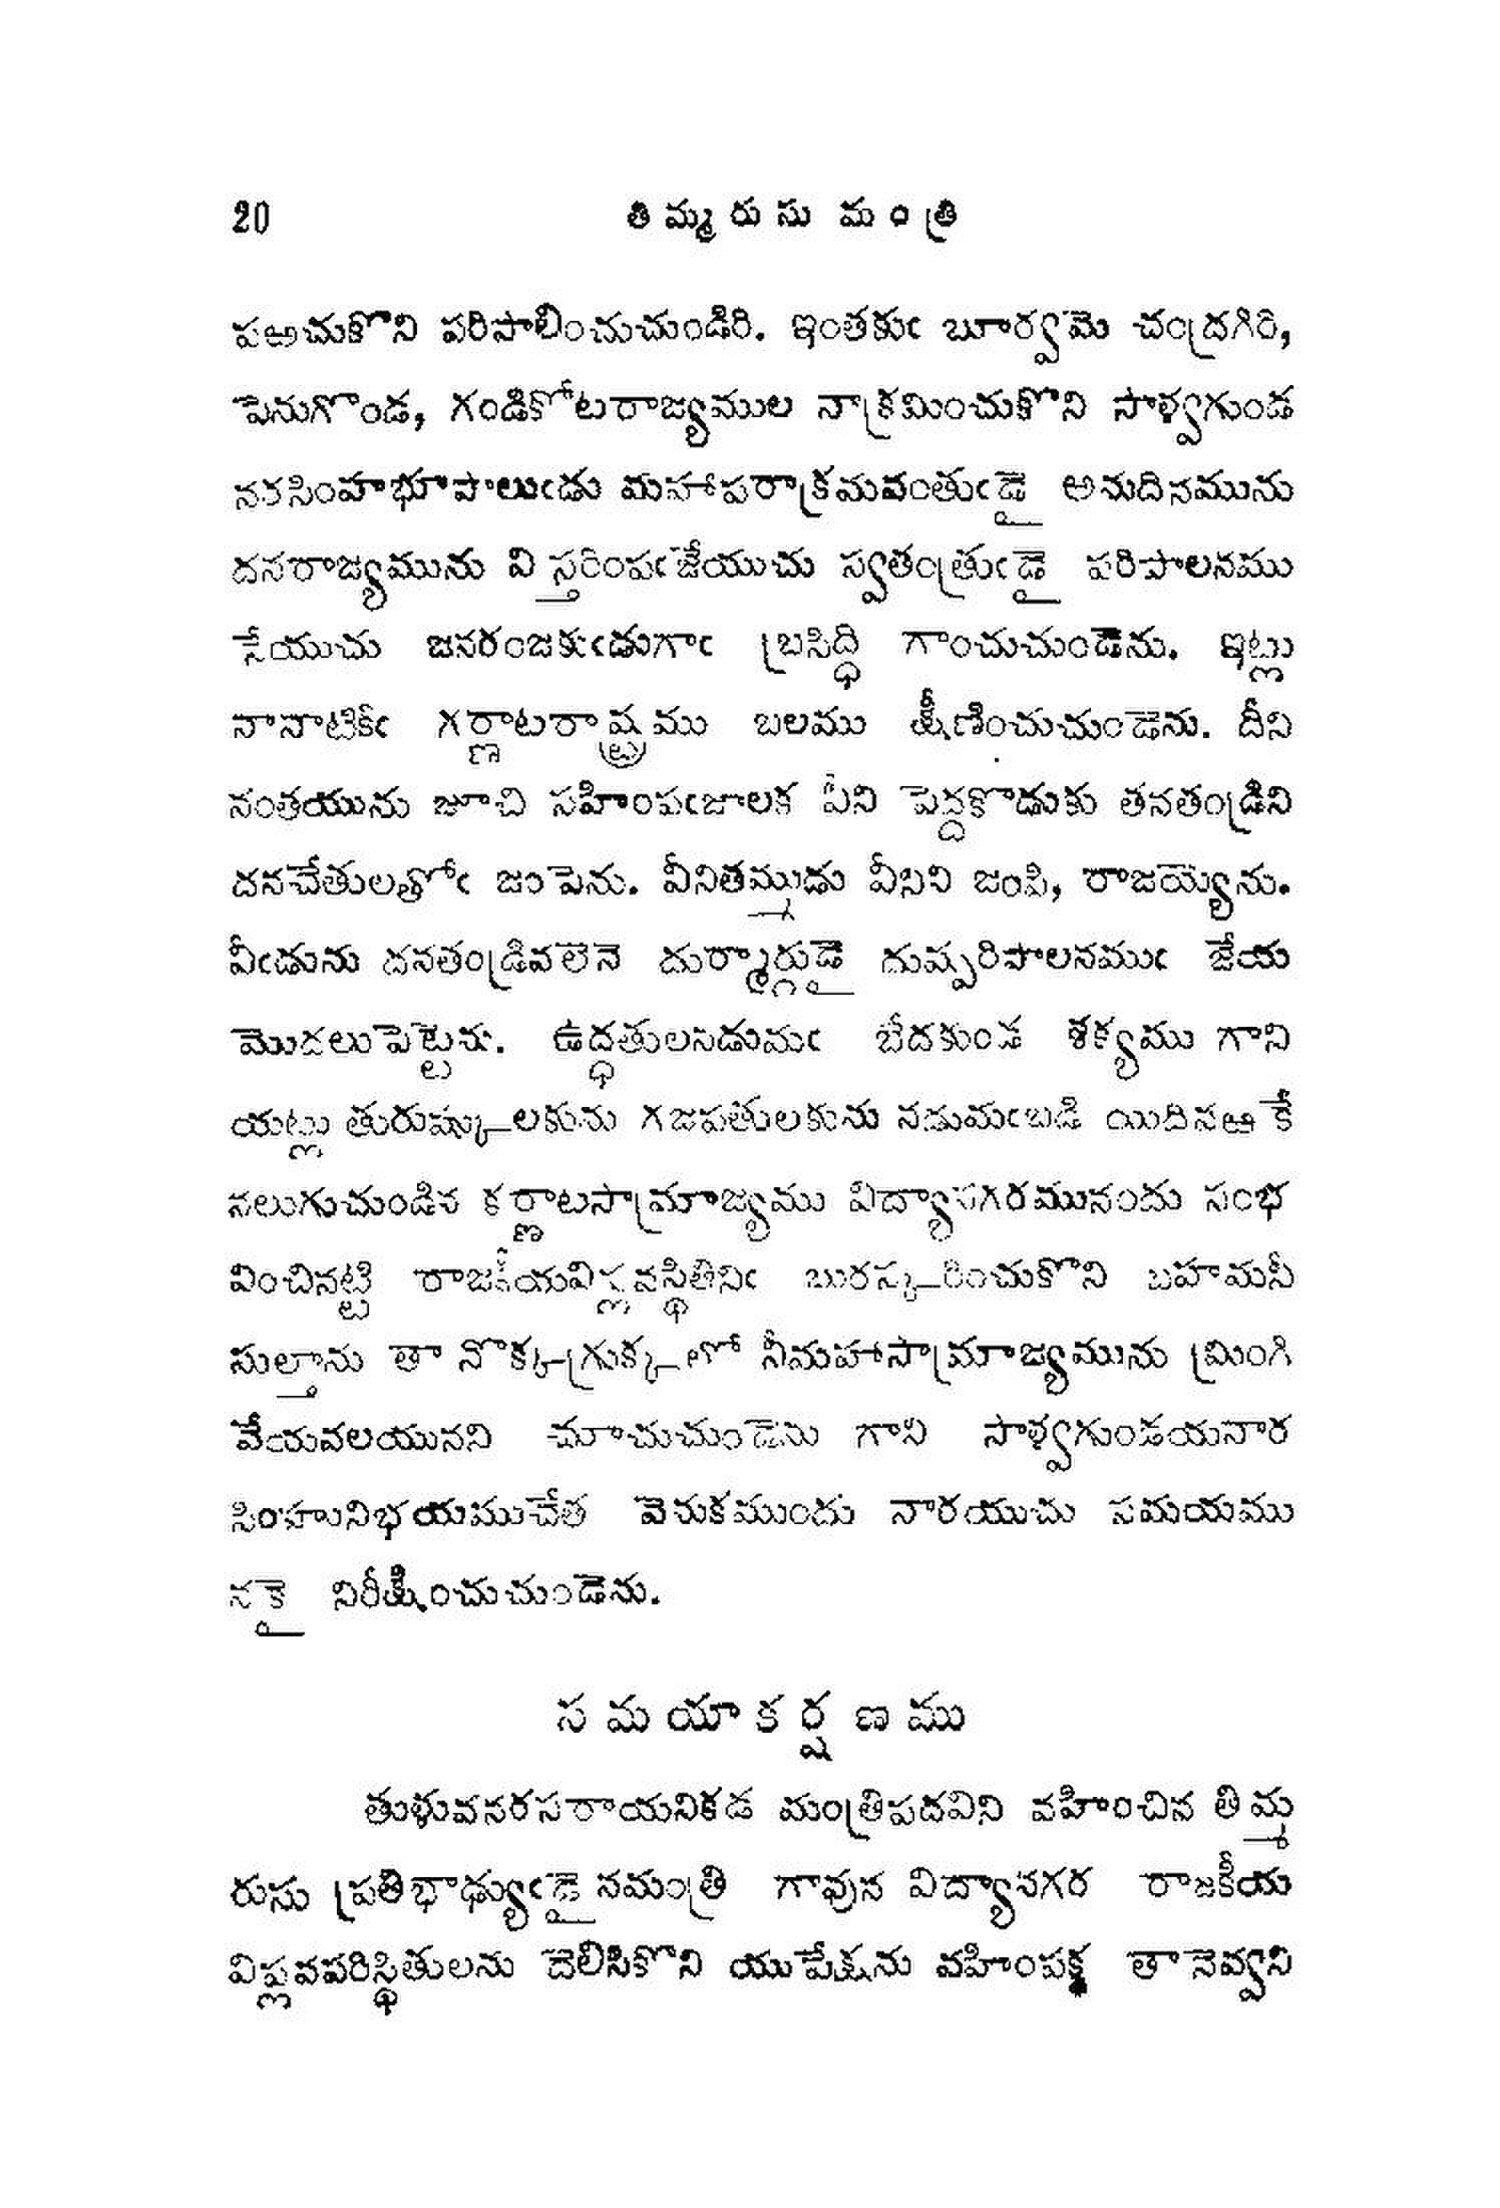పఱచుకొని పరిపాలించుచుండిరి. ఇంతకుఁ బూర్వమె చంద్రగిరి, పెనుగొండ, గండికోట రాజ్యముల నాక్రమించుకొని సాళ్వగుండ నరసింహభూపాలుఁడు మహాపరాక్రమవంతుఁడై అనుదినమును దనరాజ్యమును విస్తరింపఁజేయుచు స్వతంత్రుఁడై పరిపాలనము సేయుచు జనరంజకుఁడుగాఁ బ్రసిద్ది గాంచుచుండెను. ఇట్లు నానాటికిఁ గర్ణాటరాష్ట్రము బలము క్షీణించుచుండెను. దీని నంతయును జూచి సహింపఁజాలక వీని పెద్దకొడుకు తనతండ్రిని దనచేతులతోఁ జంపెను. వీనితమ్ముడు వీనిని జంపి, రాజయ్యెను. వీఁడును దనతండ్రివలెనె దుర్మార్గుడై దుష్పరిపాలనముఁ జేయ మొదలుపెట్టను. ఉద్దతులనడుమఁ బేదకుండ శక్యము గాని యట్లు తురుష్కులకును గజపతులకును నడుమఁబడి యిదివఱకే నలుగుచుండిన కర్ణాటసామ్రాజ్యము విద్యానగరమునందు సంభవించినట్టి రాజకీయవిప్లవస్థితినిఁ బురస్కరించుకొని బహమనీ సుల్తాను తానొక్కగ్రుక్కలో నీమహాసామ్రాజ్యమును మ్రింగి వేయవలయునని చూచుచుండెను గాని సాళ్వగుండయనారసింహునిభయముచేత వెనుకముందు నారయుచు సమయమునకై నిరీక్షించుచుండెను.

సమయాకర్షణము

తుళువనరసరాయనికడ మంత్రిపదవిని వహించిన తిమ్మరుసు ప్రతిభాఢ్యుఁడైనమంత్రి గావున విద్యానగర రాజకీయ విప్లవపరిస్థితులను దెలిసికొని యుపేక్షను వహింపక తానెవ్వని